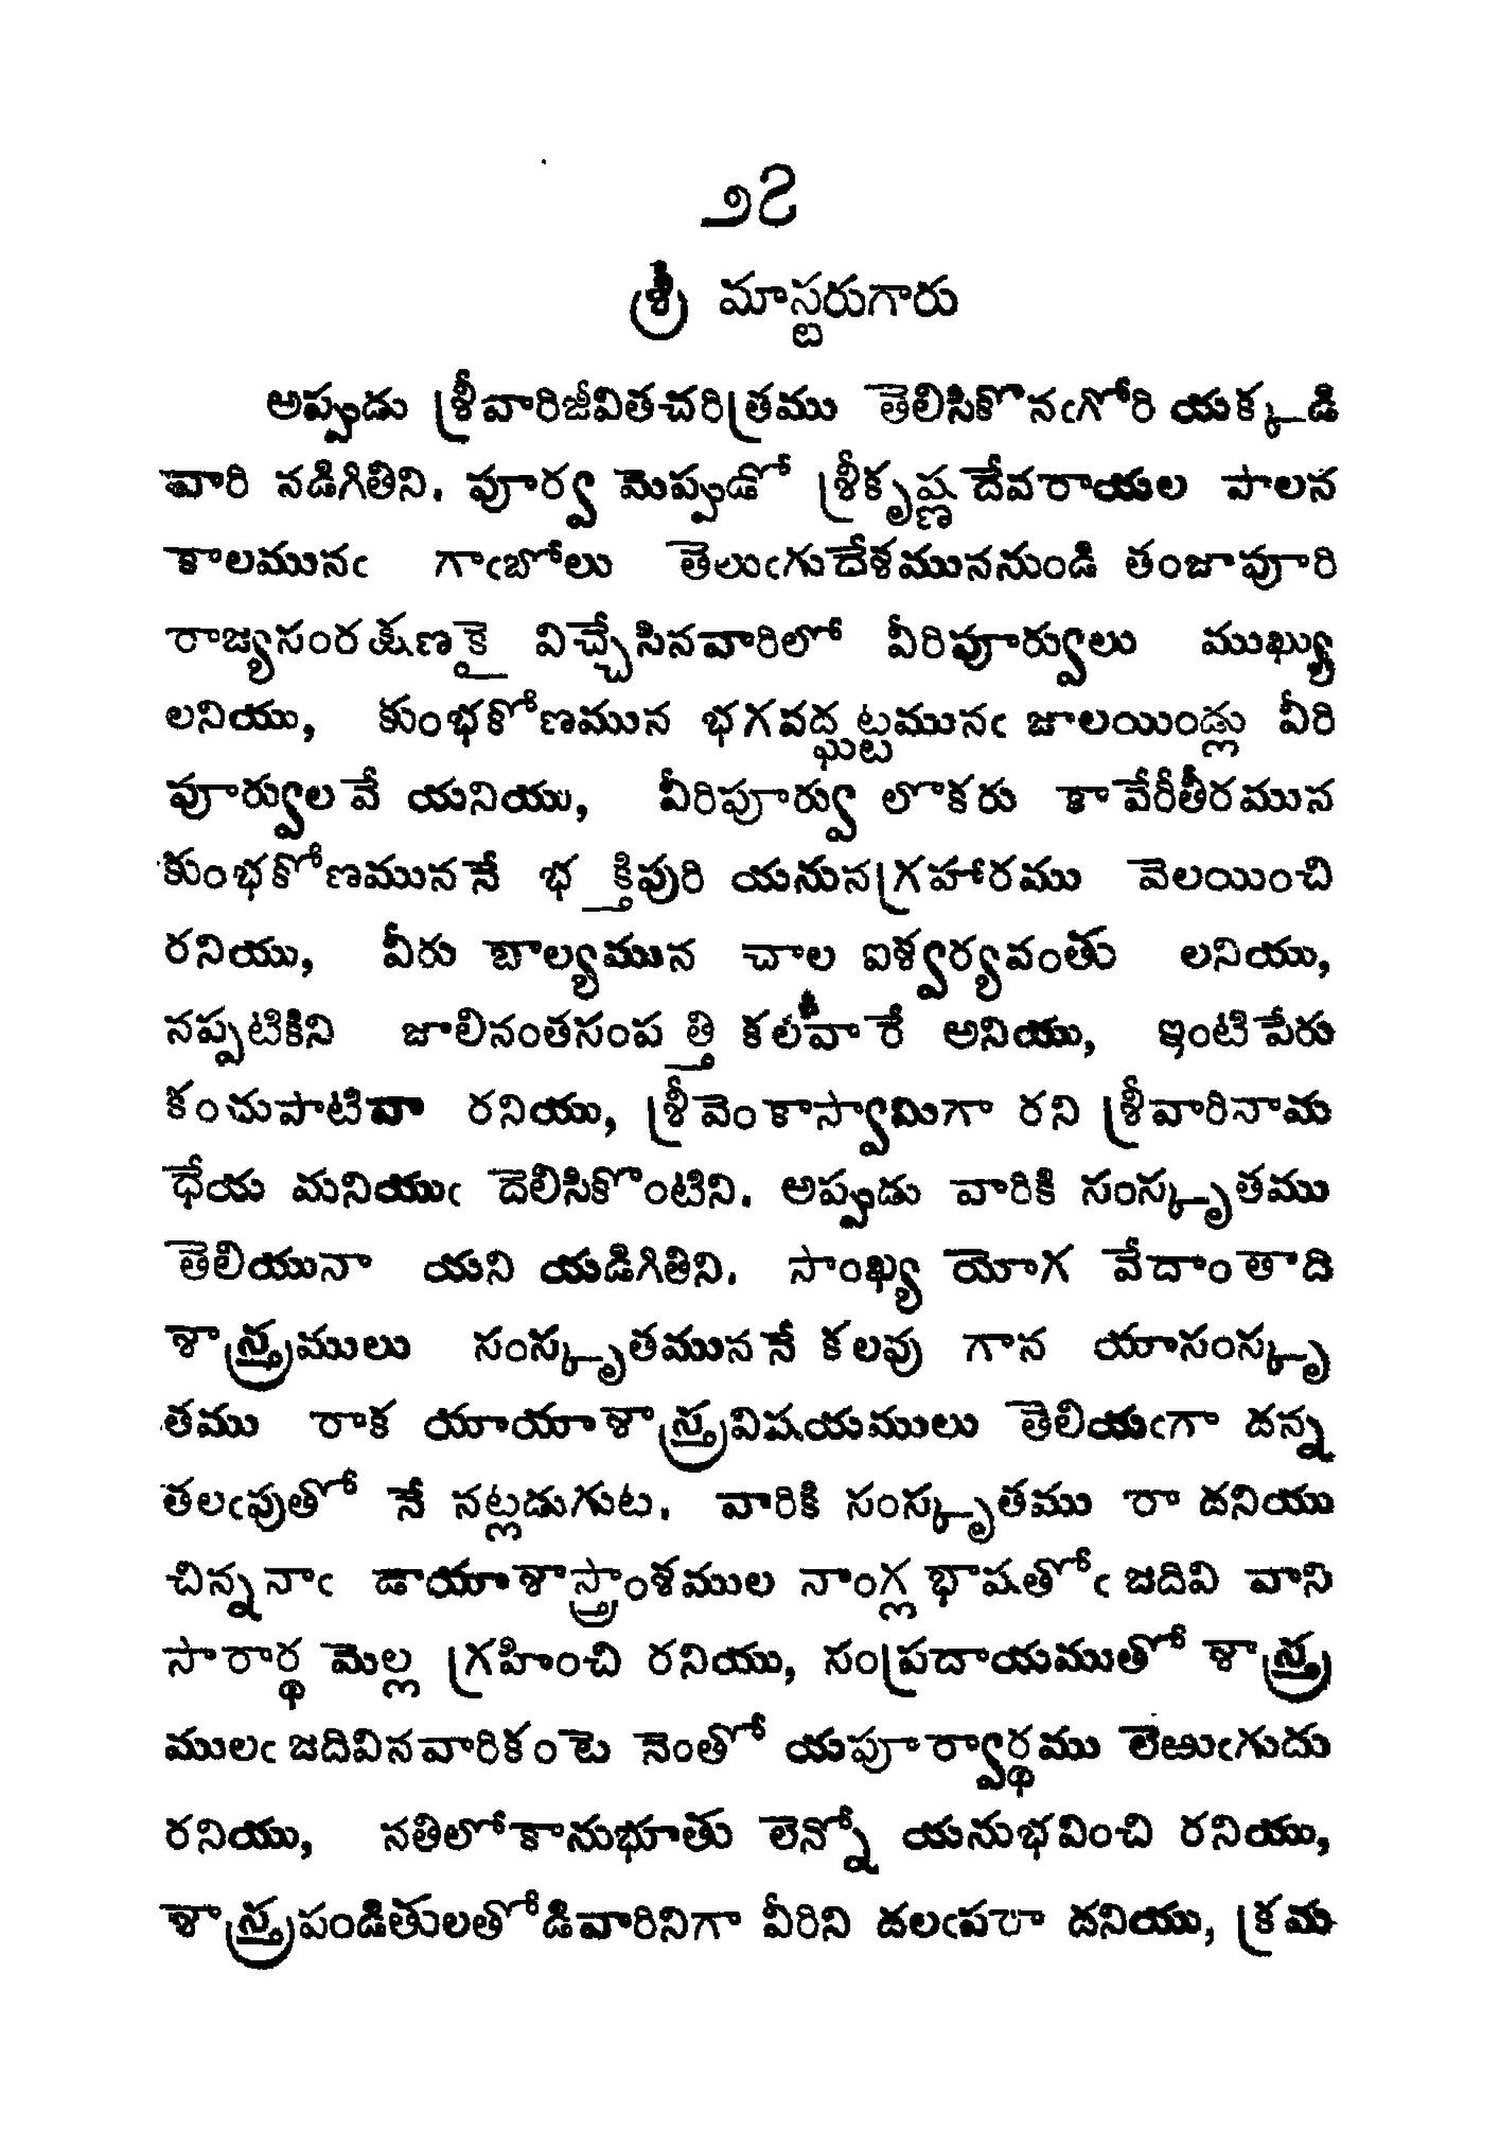అప్పుడు శ్రీవారి జీవితచరిత్రము తెలిసి కొనఁ గోరి యక్కడి వారి నడిగితిని. పూర్వ మెప్పుడో శ్రీకృష్ణ దేవరాయల పాలన కాలమునఁ గాఁబోలు తెలుఁగు దేశమున నుండి తంజావూరి రాజ్యసంరక్షణకై విచ్చేసిన వారిలో వీరి పూర్వులు ముఖ్యుల నియు, కుంభకోణము, భగవద్ఘట్టమునఁ జాల యిండ్లు వీరి పూర్వులవే యనియు, వీరి పూర్వు లొకరు కావేరితీరమున కుంభకోణము ననే భక్తి పురి యను నగ్రహరము వెలయించిరనియు, వీరు బాల్యమున చాల ఐశ్వర్య వంతు లనియు, నప్పటికీ జాలినంత సంపత్తి కలవారే అనియు, ఇంటి పేరు కంచుపాటివా రనియు, శ్రీ వెంకా స్వామిగా రని శ్రీ వారినామ ధేయ మనియుఁ దెలిసికొంటిని. అప్పుడు వారికి సంస్కృతము తెలియనా యని యడిగితిని. సాంఖ్య యోగ వేదాంతాది శాస్త్రములు సంస్కృతమునే కలవు యాసంస్కృతము రాక యాయా శాస్త్ర విషయములు తెలియఁ గా దన్న తలఁపుతో నే నట్లడుగుట. వారికి సంస్కృతము రా దనియు చిన్న నాఁడాయాశాస్త్రాంశ ముల నాంగ్ల భాషతోఁ జదివి వాని సారార్ధ మెల్ల గ్రహించి రనియు, సంప్రదాయముతో శాస్త్రములఁ జదివిన వారి కంటె నెంతో యపూర్వార్ధము లెఱుఁగుదురనియు, నతిలోకానుభూతి లెన్నో యనుభవించి రనియు, శాస్త్ర పండితులతోడి వారినిగా వీరిని దలఁపరాదనియు, క్రమ